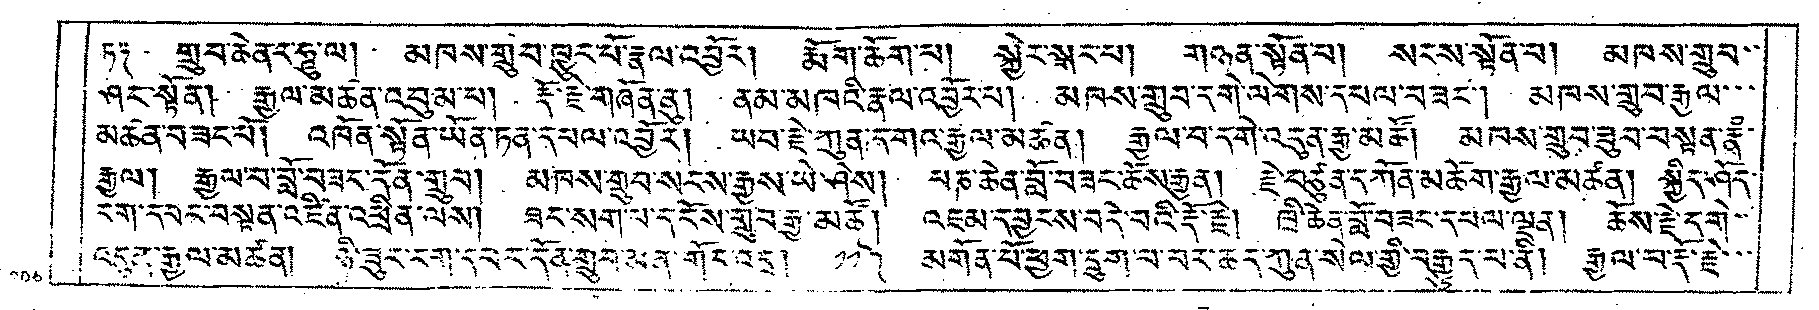ཏ༑ གྲུབ་ཆེན་ར་ཧཱུ་ལ། མཁས་གྲུབ་ཁྱུང་པོ་རྣལ་འབྱོར། རྨོག་ཆོག་པ། སྐྱེར་སྒང་པ། གཉན་སྟོན་པ། སངས་སྟོན་པ། མཁས་གྲུབ་
ཤང་སྟོན། རྒྱལ་མཚན་འབུམ་པ། རྡོ་རྗེ་གཞོན་ནུ། ནམ་མཁའི་རྣལ་འབྱོར་པ། མཁས་གྲུབ་དགེ་ལེགས་དཔལ་བཟང་། མཁས་གྲུབ་རྒྱལ་
མཚན་བཟང་པོ། འཁོན་སྟོན་ཡོན་ཏན་དཔལ་འབྱོར། ཡབ་རྗེ་ཀུན་དགའ་རྒྱལ་མཚན། རྒྱལ་བ་དགེ་འདུན་རྒྱ་མཚོ། མཁས་གྲུབ་ཐུབ་བསྟན་རྣཾ་
རྒྱལ། རྒྱལ་བ་བློ་བཟང་དོན་གྲུབ། མཁས་གྲུབ་སངས་རྒྱས་ཡེ་ཤེས། པཎ་ཆེན་བློ་བཟང་ཆོས་རྒྱན། རྗེ་བཙུན་དཀོན་མཆོག་རྒྱལ་མཚན། སྐྱིད་ཤོད་
ངག་དབང་བསྟན་འཛིན་འཕྲིན་ལས། ཐང་སག་པ་དངོས་གྲུབ་རྒྱ་མཚོ། འཇམ་དབྱངས་བདེ་བའི་རྡོ་རྗེ། ཁྲི་ཆེན་བློ་བཟང་དཔལ་ལྡན། ཆོས་རྗེ་དགེ་
འདུན་རྒྱལ་མཚན། ཉི་ཟུར་ངག་དབང་དོན་གྲུབ་མན་གོང་འདྲ། ༡༡}་མགོན་པོ་ཕྱག་དྲུག་པ་བར་ཆད་ཀུན་སེལ་གྱི་བརྒྱུད་པ་ནི། རྒྱལ་བ་རྡོ་རྗེ་